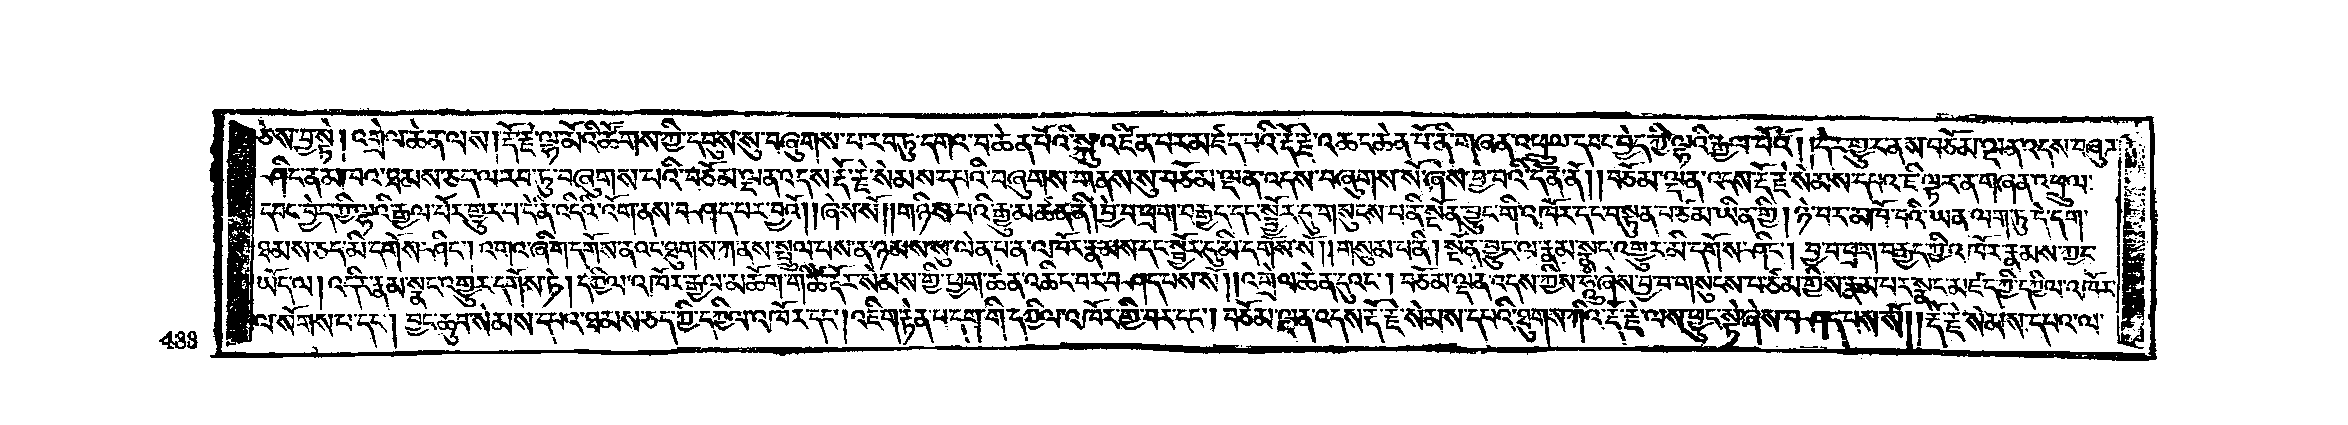ཅེས་བྱ་སྟེ། འགྲེལ་ཆེན་ལས། རྡོ་རྗེ་ལྷ་མོའི་ཚོགས་ཀྱི་དབུས་སུ་བཞུགས་པ་རབ་ཏུ་དགའ་བ་ཆེན་པོའི་སྐུ་འཛིན་པར་མཛད་པའི་རྡོ་རྗེ་འཆང་ཆེན་པོ་ནི་གཞན་འཕྲུལ་དབང་བྱེད་ཀྱི་ལྷའི་རྒྱལ་པོའོ། །དེར་གྱུར་ནས་བཅོམ་ལྡན་འདས་བཞུགས་
ཤིང་ནམ་མཁའ་ཐམས་ཅད་ལ་རབ་ཏུ་བཞུགས་པའི་བཅོམ་ལྡན་འདས་རྡོ་རྗེ་སེམས་དཔའི་བཞུགས་གནས་སུ་བཅོམ་ལྡན་འདས་བཞུགས་སོ་ཞེས་བྱ་བའི་དོན་ནོ། །བཅོམ་ལྡན་འདས་རྡོ་རྗེ་སེམས་དཔའ་ཇི་ལྟར་ན་གཞན་འཕྲུལ་
དབང་བྱེད་ཀྱི་ལྷའི་རྒྱལ་པོར་གྱུར་པ་དེ་ནི་འདིའི་འོག་ནས་བཤད་པར་བྱའོ། །ཞེས་སོ། །གཉིས་པའི་རྒྱུ་མཚན་ནི། བྱེ་བ་ཕྲག་བརྒྱད་དང་སྦྱོར་དུ་གསུངས་པ་ནི་སྔོན་བྱུང་གི་འཁོར་དང་བསྟུན་པ་ཙམ་ཡིན་གྱི། ཉེ་བར་མཁོ་བའི་ཡན་ལག་ཏུ་དེ་དག་
ཐམས་ཅད་མི་དགོས་ཤིང་། འགའ་ཞིག་དགོས་ནའང་ཐུགས་ཀ་ནས་སྤྲུལ་པས་ན་ཉམས་སུ་ལེན་པ་ན་འཁོར་རྣམས་དང་སྦྱོར་དུ་མི་དགོས་སོ། །གསུམ་པ་ནི། སྔོན་བྱུང་ལ་རྣམ་སྣང་འགྱུར་མི་དགོས་ཤིང་། བྱ་བ་ཕྲག་བརྒྱད་ཀྱི་འཁོར་རྣམས་ཀྱང་
ཡོད་ལ། འདིར་རྣམ་སྣང་འགྱུར་དགོས་ཏེ། དཀྱིལ་འཁོར་རྒྱལ་མཆོག་གི་ཚེ་རྡོར་སེམས་གྱི་ཕྱག་ཆེན་འཆིང་བར་བཤད་པས་སོ། །འགྲེལ་ཆེན་དུའང་། བཅོམ་ལྡན་འདས་ཀྱིས་ཧཱུཾ་ཞེས་བྱ་བ་གསུངས་པ་ཙམ་གྱིས་རྣམ་པར་སྣང་མཛད་ཀྱི་དཀྱིལ་འཁོར་
ལ་སོགས་པ་དང་། བྱང་ཆུབ་སེམས་དཔའ་ཐམས་ཅད་ཀྱི་དཀྱིལ་འཁོར་དང་། འཇིག་རྟེན་པ་དག་གི་དཀྱིལ་འཁོར་གྱི་བར་དང་། བཅོམ་ལྡན་འདས་རྡོ་རྗེ་སེམས་དཔའི་ཐུགས་ཀའི་རྡོ་རྗེ་ལས་ཕྱུང་སྟེ་ཞེས་བཤད་པས་སོ། །རྡོ་རྗེ་སེམས་དཔའ་ལ་